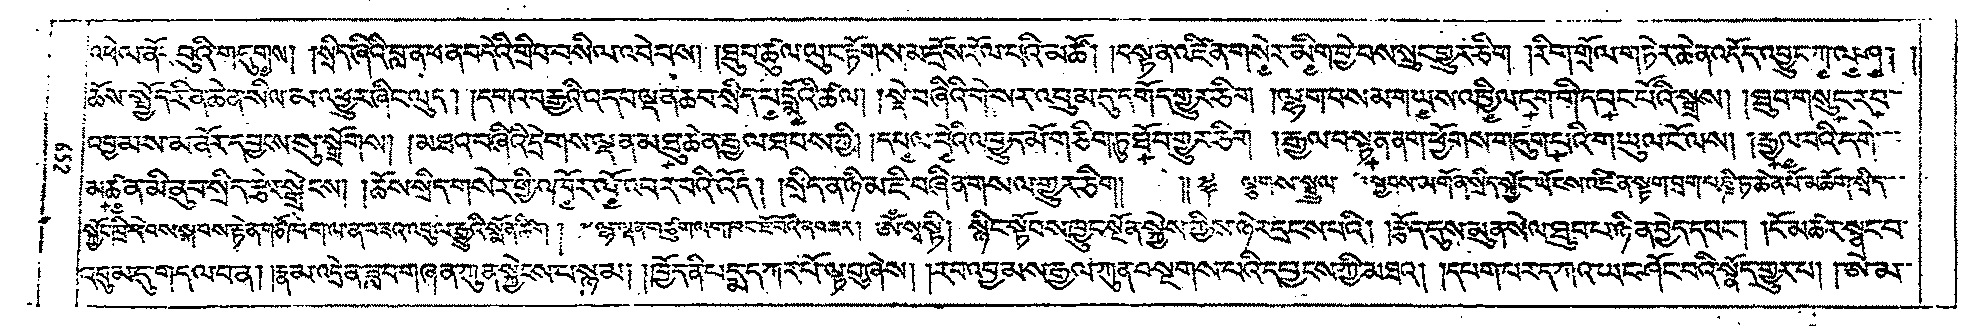འཕེལ་ནོར་བུའི་གདུགས྾། །སྲིད་ཞིའི་བླ་ན་ཕན་བདེའི་གྲིབ་བསིལ་འབེབས། །ཐུབ་ཚུལ་ལུང་རྟོགས་མ་དྲོས་རོལ་པའི་མཚོ། །བསྟན་འཛིན་གསེར྾་མིག྾་བྱེ་བས་སྲུང་གྱུར་ཅིག །རིག་གྲོལ་གཏེར་ཆེན་འདོད་འབྱུང་ཀ྾་ལ྾་ཤ྾། །
ཆོས་སྤྱོད་རིན་ཆེན་སིལ་མ་འཕྱུར་ཞིང་ལུད། །དགའ་བརྒྱའི་འདབ་ལྡན་ཆབ་སྲིད་པད྾མོའི྾་ཚལ། །སྡེ་བཞིའི་གེ་སར་འབུམ་དུ་དགོད་གྱུར་ཅིག །ལྷག་བསམ་གཡས྾་འཁྱིལ྾་ངག་྾་གི་དབང་པོའི་སྒྲས། །ཐུབ་གསུང་྾་རབ་྾་
འབྱམས་མ་ནོར་དབྱངས་སུ་སྒྲོགས། །མཐའ་བཞིའི་དྲེགས་ལྡན་མཐུ་྾་ཆེན་རྒྱལ་ཐབས་ཀྱི། །དཔལ྾་བེའི྾་འཁྱུད་མོ་གཅིག་ཏུ་ཐོབ་྾་གྱུར་ཅིག །རྒྱལ་བསྟན་྾་ནག་ཕྱོགས་གདུག་྾་པའི་གཡུལ་ངོ་ལས། །རྒྱལ་྾་྾་བའི་དགེ་
མཚན་྾་྾་མི་ནུབ་སྲིད་རྩེར་སྒྲེངས། །ཆོས་སྲིད་གསེར་གྱི་འཁོར྾་ལོ྾་འབར་བའི་འོད། །སྲིད་ན་ཉི་མ་ཇི་བཞིན་གསལ་གྱུར་ཅིག ། །། ༈ ལྕགས་སྦྲུལ་༧སྐྱབས་མགོན་སྲིད་སྐྱོང་ཡོངས་འཛིན་སྟག་བྲག་པཎྜི་ཏ་ཆེན་པོ་མཆོག་སྲིད་
སྐྱོང་ཁྲི་ཕེབས་སྐབས་རྟེན་གཙོ་ཁག་ལ་ན་བཟའ་འབུལ་རྒྱུའི་སྨོན་ཚིག །༧་ལྷ་ལྡན་གཙུག་ལག་ཁང་ཇོ་བོའི་ན་བཟར། ཨོཾ་སྭ་སྟི། སྙིང་སྟོབས་ཁྱུང་སྔོན་སྐྱེས་ཀྱིས་ཉེར་དྲངས་པའི། །རྩོད་དུས་མུན་སེལ་ཐུབ་པ་ཉིན་བྱེད་དབང་། །ངོ་མཚར་སྣང་བ་
འབུམ་དུ་གདལ་བ་ན། །རྣམ་འདྲེན་ཟླ་བ་གཞན་ཀུན་སྐྱེངས་པ་སྙམ། །ཁྱོད་ནི་པདམ་དཀར་པོ་ལྟ་བུ་ཞེས། །རབ་འབྱམས་རྒྱལ་ཀུན་བསྔགས་པའི་དབྱངས་ཀྱི་མཐའ། །དཔག་པར་དཀའ་ཡང་ཤོང་བའི་སྣོད་གྱུར་པ། །ཨེ་མ་